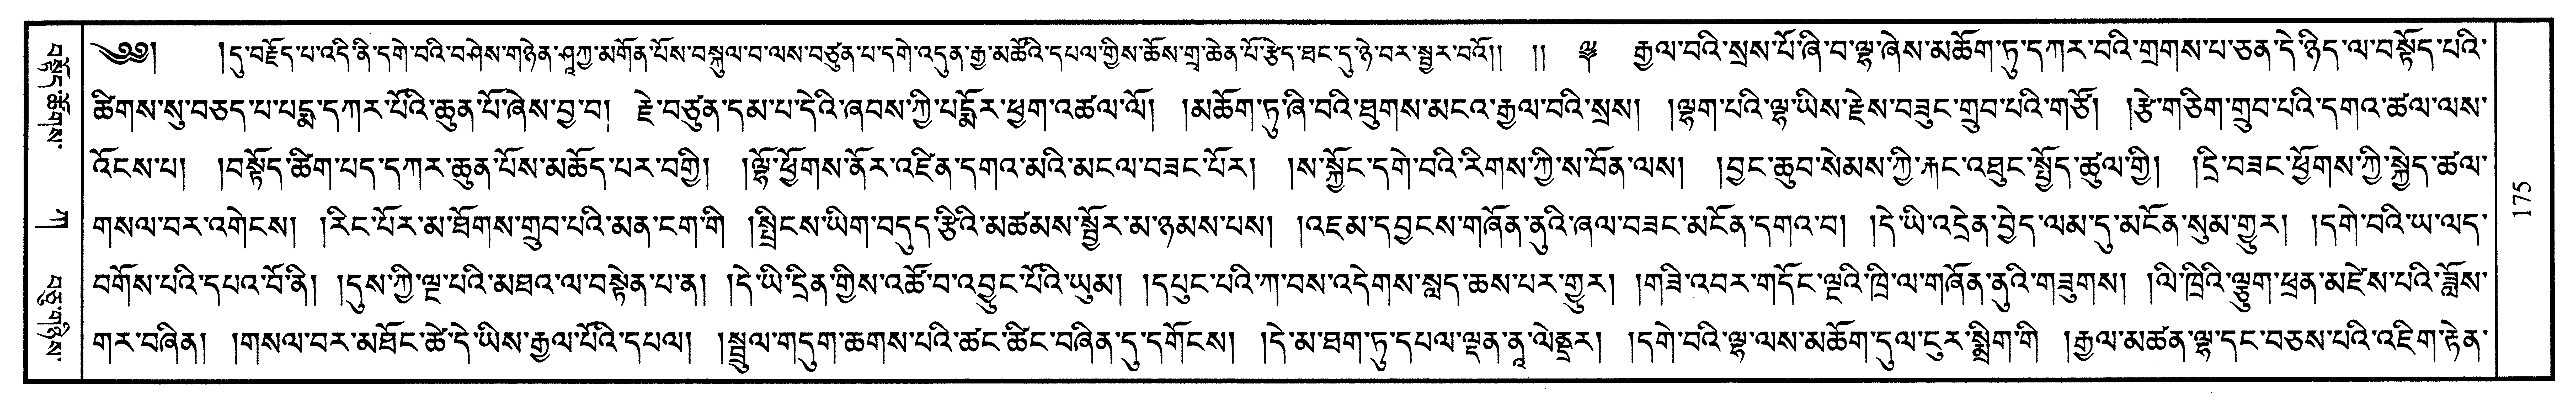༄༅། །དུ་བརྗོད་པ་འདི་ནི་དགེ་བའི་བཤེས་གཉེན་ཤཱཀྱ་མགོན་པོས་བསྐུལ་བ་ལས་བཙུན་པ་དགེ་འདུན་རྒྱ་མཚོའི་དཔལ་གྱིས་ཆོས་གྲྭ་ཆེན་པོ་རྩེད་ཐང་དུ་ཉེ་བར་སྦྱར་བའོ།། །། ༈ རྒྱལ་བའི་སྲས་པོ་ཞི་བ་ལྷ་ཞེས་མཆོག་ཏུ་དཀར་བའི་གྲགས་པ་ཅན་དེ་ཉིད་ལ་བསྟོད་པའི་
ཚིགས་སུ་བཅད་པ་པདམ་དཀར་པོའི་ཆུན་པོ་ཞེས་བྱ་བ། རྗེ་བཙུན་དམ་པ་དེའི་ཞབས་ཀྱི་པདམོར་ཕྱག་འཚལ་ལོ། །མཆོག་ཏུ་ཞི་བའི་ཐུགས་མངའ་རྒྱལ་བའི་སྲས། །ལྷག་པའི་ལྷ་ཡིས་རྗེས་བཟུང་གྲུབ་པའི་གཙོ། །རྩེ་གཅིག་གྲུབ་པའི་དགའ་ཚལ་ལས་
འོངས་པ། །བསྟོད་ཚིག་པད་དཀར་ཆུན་པོས་མཆོད་པར་བགྱི། །ལྷོ་ཕྱོགས་ནོར་འཛིན་དགའ་མའི་མངལ་བཟང་པོར། །ས་སྐྱོང་དགེ་བའི་རིགས་ཀྱི་ས་བོན་ལས། །བྱང་ཆུབ་སེམས་ཀྱི་རྐང་འཐུང་སྤྱོད་ཚུལ་གྱི། །དྲི་བཟང་ཕྱོགས་ཀྱི་སྐྱེད་ཚལ་
གསལ་བར་འགེངས། །རིང་པོར་མ་ཐོགས་གྲུབ་པའི་མན་ངག་གི །སྤྲིངས་ཡིག་བདུད་རྩིའི་མཚམས་སྦྱོར་མ་ཉམས་པས། །འཇམ་དབྱངས་གཞོན་ནུའི་ཞལ་བཟང་མངོན་དགའ་བ། །དེ་ཡི་འདྲེན་བྱེད་ལམ་དུ་མངོན་སུམ་གྱུར། །དགེ་བའི་ཡ་ལད་
བགོས་པའི་དཔའ་བོ་ནི། །དུས་ཀྱི་ལྔ་པའི་མཐའ་ལ་བསྟེན་པ་ན། །དེ་ཡི་དྲིན་གྱིས་འཚོ་བ་འབྱུང་པོའི་ཡུམ། །དཔུང་པའི་ཀ་བས་འདེགས་སླད་ཆས་པར་གྱུར། །གཟི་འབར་གདོང་ལྔའི་ཁྲི་ལ་གཞོན་ནུའི་གཟུགས། །ལི་ཁྲིའི་ལྕུག་ཕྲན་མཛེས་པའི་ཟློས་
གར་བཞིན། །གསལ་བར་མཐོང་ཚེ་དེ་ཡིས་རྒྱལ་པོའི་དཔལ། །སྦྲུལ་གདུག་ཆགས་པའི་ཚང་ཚིང་བཞིན་དུ་དགོངས། །དེ་མ་ཐག་ཏུ་དཔལ་ལྡན་ནཱ་ལེནྡྲར། །དགེ་བའི་ལྷ་ལས་མཆོག་དུལ་ངུར་སྨྲིག་གི །རྒྱལ་མཚན་ལྷ་དང་བཅས་པའི་འཇིག་རྟེན་